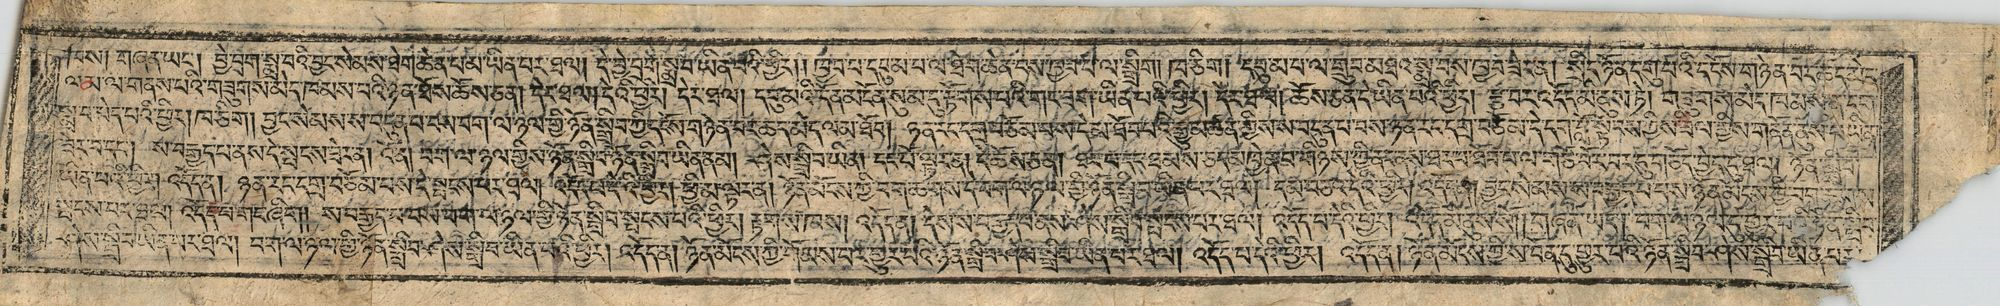ཁས། གཞན་ཡང་། བྱེ་བྲག་སྨྲ་བའི་བྱང་སེམས་ཐེག་ཆེན་པ་མ་ཡིན་པར་ཐལ། དེ་བྱེ་བྲག་སྨྲ་བ་ཡིན་པའི་ཕྱིར། །ཁྱབ་པ་དབུམྤ་ལ་ཐེག་ཆེན་པས་ཁྱབ་པ་ལ་སྒྲིག །ཁ་ཅིག །དབུ་མ་པ་ལ་གྲུབ་མཐའ་སྨྲ་བས་ཁྱབ་ཟེར་ན། སྲིད་ཉོན་དགུ་པའི་དངོས་གཉེན་བར་ཆད་མེད་
ལམ་ལ་གནས་པའི་གཟུགས་མེད་ཁམས་པའི་ཉན་ཐོས་ཆོས་ཅན། དེར་ཐལ། དེའི་ཕྱིར། དེར་ཐལ། དབུ་མའི་དོན་མངོན་སུམ་དུ་རྟོགས་པའི་གང་ཟག་ཡིན་པའི་ཕྱིར། དེར་ཐལ། ཆོས་ཅན་དེ་ཡིན་པའི་ཕྱིར། རྩ་བར་འདོད་མི་ནུས་ཏེ། གཟུགས་མེད་ཁམས་ན་དག་
སྨྲ་བ་མེད་པའི་ཕྱིར། ཁ་ཅིག །བྱང་སེམས་ས་བདུན་པ་བས་བག་ལ་ཉལ་གྱི་ཉོན་སྒྲིབ་ཀྱི་དངོས་གཉེན་བར་ཆད་མེད་ལམ་ཐོབ། ཉན་རང་དགྲ་བཅོམ་པས་དེ་མ་ཐོབ་པའི་རྒྱུ་མཚན་གྱིས་ས་བདུན་པ་བས་ཉན་རང་དགྲ་བཅོམ་དེ་དག་བློ་སྟོབས་ཀྱིས་ཟིལ་གྱིས་གནོན་ནུས་པ་ཡིན་
ཟེར་བ་དང་། ས་བརྒྱད་པ་ནས་དེ་སྤངས་ཟེར་ན། འོ་ན། བག་ལ་ཉལ་གྱིས་ཉོན་སྒྲིབ་ཉོན་སྒྲིབ་ཡིན་ནམ། ཤེས་སྒྲིབ་ཡིན། དང་པོ་ལྟར་ན། དེ་ཆོས་ཅན། ཐར་པ་དང་ཐམས་ཅད་མཁྱེན་པ་གཉིས་ཀྱི་ནང་ནས་ཐར་པ་ཐོབ་པ་ལ་གཙོ་བོར་བར་དུ་གཅོད་བྱེད་དུ་ཐལ། ཉོན་སྒྲིབ་
ཡིན་པའི་ཕྱིར། འདོད་ན། ཉན་རང་དགྲ་བཅོམ་བས་དེ་སྤངས་པར་ཐལ། འདོད་པ་དེའི་ཕྱིར། ཕྱི་མ་ལྟར་ན། ཉོན་མོངས་ཀྱི་བག་ཆགས་དེ་བག་ལ་ཉལ་གྱི་ཉོན་སྒྲིབ་ཡིན་པར་ཐལ། དམ་བཅའ་དེའི་ཕྱིར། འདོད་ན། བྱང་སེམས་ས་བརྒྱད་པ་པས་ཉོན་མོངས་ཀྱི་བག་ཆགས་
སྤངས་པར་ཐལ། འདོད་པ་གང་ཞིག །ས་བརྒྱད་པ་བས་བག་ལ་ཉལ་གྱི་ཉོན་སྒྲིབ་སྤངས་པའི་ཕྱིར། རྟགས་ཁས། འདོད་ན། དེས་ས་བརྒྱད་པ་ནས་ཤེས་སྒྲིབ་སྤངས་པར་ཐལ། འདོད་པ་དེའི་ཕྱིར། འདོད་མི་ནུས་སོ། །གཞན་ཡང་། བག་ལ་ཉལ་དུ་གྱུར་པའི་ཉོན་སྒྲིབ་
ཤེས་སྒྲིབ་ཡིན་པར་ཐལ། བག་ལ་ཉལ་གྱི་ཉོན་སྒྲིབ་ཤེས་སྒྲིབ་ཡིན་པའི་ཕྱིར། འདོད་ན། ཉོན་མོངས་ཀྱི་གོམས་པར་གྱུར་བའི་ཉོན་སྒྲིབ་ཤེས་སྒྲིབ་ཡིན་པར་ཐལ། འདོད་པ་དེའི་ཕྱིར། འདོད་ན། ཉོན་མོངས་ཀྱི་ས་བོན་དུ་གྱུར་བའི་ཉོན་སྒྲིབ་ཤེས་སྒྲིབ་ཡིན་པར་